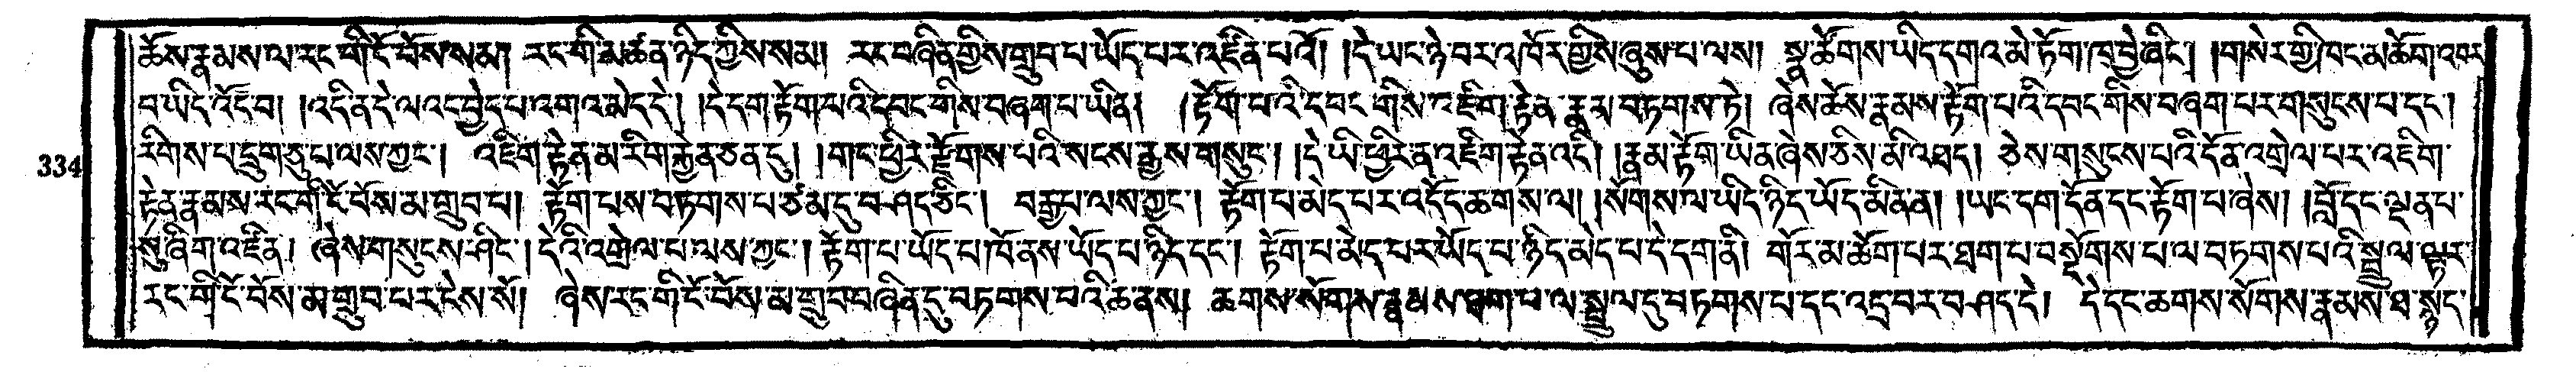ཆོས་རྣམས་ལ་རང་གི་ངོ་བོས་སམ། རང་གི་མཚན་ཉིད་ཀྱིས་སམ། རང་བཞིན་གྱིས་གྲུབ་པ་ཡོད་པར་འཛིན་པའོ། །དེ་ཡང་ཉེ་བར་འཁོར་གྱིས་ཞུས་པ་ལས། སྣ་ཚོགས་ཡིད་དགའ་མེ་ཏོག་ཁ་བྱེ་ཞིང་། །གསེར་གྱི་ཁང་མཆོག་འབར་
བ་ཡིད་འོང་བ། །འདི་ན་དེ་ལའང་བྱེད་པ་འགའ་མེད་དེ། །དེ་དག་རྟོག་པའི་དབང་གིས་བཞག་པ་ཡིན། །རྟོག་པའི་དབང་གིས་འཇིག་རྟེན་རྣམ་བཏགས་ཏེ། ཞེས་ཆོས་རྣམས་རྟོག་པའི་དབང་གིས་བཞག་པར་གསུངས་པ་དང་།
རིགས་བ་དྲུག་ཅུ་པ་ལས་ཀྱང་། འཇིག་རྟེན་མ་རིག་རྐྱེན་ཅན་དུ། །གང་ཕྱིར་རྫོགས་པའི་སངས་རྒྱས་གསུངས། །དེ་ཡི་ཕྱིར་ན་འཇིག་རྟེན་འདི། །རྣམ་རྟོག་ཡིན་ཞེས་ཅིས་མི་འཐད། ཅེས་གསུངས་པའི་དོན་འགྲེལ་བར་འཇིག་
རྟེན་རྣམས་རང་གི་ངོ་བོས་མ་གྲུབ་པ། རྟོག་པས་བཏགས་པ་ཙམ་དུ་བཤད་ཅིང་། བརྒྱ་བ་ལས་ཀྱང་། རྟོག་པ་མེད་པར་འདོད་ཆགས་ལ། །སོགས་ལ་ཡིད་ཉིད་ཡོད་མིན་ན། །ཡང་དག་དོན་དང་རྟོག་པ་ཞེས། །བློ་དང་ལྡན་པ་
སུ་ཞིག་འཛིན། ཞེས་གསུངས་ཤིང་། དེའི་འགྲེལ་བ་ལས་ཀྱང་། རྟོག་པ་ཡོད་པ་ཁོ་ནས་ཡོད་པ་ཉིད་དང་། རྟོག་པ་མེད་པར་ཡོད་པ་ཉིད་མེད་པ་དེ་དག་ནི། གོར་མཆོག་པར་ཐག་པ་བསྡོགས་པ་ལ་བཏགས་པའི་སྦྲུལ་ལྟར་
རང་གི་ངོ་བོས་མ་གྲུབ་པར་ངེས་སོ། ཞེས་རང་གི་ངོ་བོས་མ་གྲུབ་བཞིན་དུ་བཏགས་བའི་ཆ་ནས། ཆགས་སོགས་རྣམས་ཐག་པ་ལ་སྦྲུལ་དུ་བཏགས་པ་དང་འདྲ་བར་བཤད་དེ། །དེ་དང་ཆགས་སོགས་རྣམས་ཐ་སྙད་